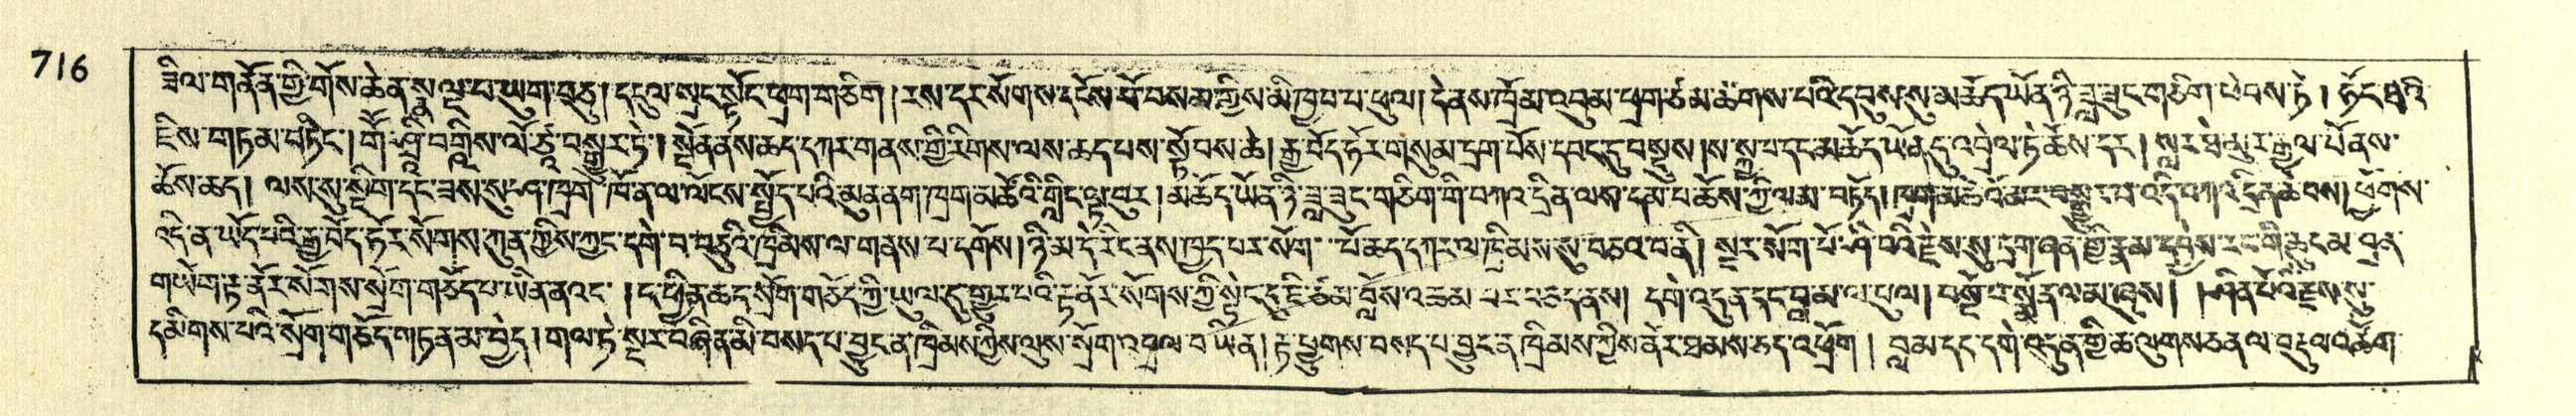ཟིལ་གནོན་གྱི་གོས་ཆེན་སྣ་ལྔ་པ་ཡུག་བཅུ། དངུལ་སྲང་སྟོང་ཕྲག་གཅིག། རས་དར་སོགས་དངོས་པོ་བསམ་གྱིས་མི་ཁྱབ་པ་ཕུལ། དེ་ནས་ཁྲོམ་འབུམ་ཕྲག་ཙམ་ཚགས་པའི་དབུས་སུ་མཆོད་ཡོན་ཉི་ཟླ་ཟུང་གཅིག་ཕེབས་ཏེ། ཧོང་ཐའི་
ཇིས་གཏམ་བཏིང་། གཽ་ཤྲཱི་བགྵིས་ལོ་ཙཱ་བསྒྱུར་ཏེ། སྔོན་ནས་ཆད་དཀར་གནས་གྱི་རིགས་ལས་ཆད་པས་སྟོབས་ཆེ། རྒྱ་བོད་ཧོར་གསུམ་དྲག་པོས་དབང་དུ་བསྡུས་།ས་སྐྱ་པ་དང་མཆོད་ཡོན་དུ་འབྲེལ་ཏེ་ཆོས་དར། སླར་ཐེ་མུར་རྒྱལ་པོ་ནས་
ཆོས་ཆད། ལས་སུ་སྡིག་དང་ཟས་སུ་ཤ་ཁྲག་ཁོ་ན་ལ་ལོངས་སྤྱོད་པའི་མུན་ནག་ཁྲག་མཚོའི་གླིང་ལྟ་བུར། མཆོད་ཡོན་ཉི་ཟླ་ཟུང་གཅིག་གི་བཀའ་དྲིན་ལས་དམ་པ་ཆོས་ཀྱི་ལམ་བཏོད། ཁྲག་མཆེ་འོ་མར་བསྒྱུར་པ་འདི་བཀའ་དྲིན་ཆེ་བས། ཕྱོགས་
འདི་ན་ཡོད་པའི་རྒྱ་བོད་ཧོར་སོགས་ཀུན་ཀྱིས་ཀྱང་དགེ་བ་བཅུའི་ཁྲིམས་ལ་གནས་པ་དགོས། ཉི་མ་དེ་རིང་ནས་ཁྱད་པར་སོག་པོ་ཆད་དཀར་ལ་ཁྲིམས་སུ་བཅའ་བ་ནི། སྔར་སོག་པོ་ཤི་བའི་རྗེས་སུ་དྲག་ཞན་གྱི་རྣམ་དབྱེས་རང་གི་ཆུང་མ་བྲན་
གཡོག་རྟ་ནོར་སོགས་སྲོག་གཅོད་པ་ཡིན་ནའང་། ང་ཕྱིན་ཆད་སྲོག་གཅོད་ཀྱི་ཡུལ་དུ་གྱུར་པའི་རྟ་ནོར་སོགས་ཀྱི་སྟེང་དུ་ཇི་ཙམ་བློས་འཆམ་པར་བཅད་ནས། དགེ་འདུན་དང་བླ་མ་ལ་ཕུལ། བསྔོ་བ་སྨོན་ལམ་ཞུས། །ཤིན་པོའི་རྗེས་སུ་ཨ་
གས་པའི་སྲོག་གཅོད་གཏན་མ་བྱེད། གལ་ཏེ་སྔར་བཞིན་མི་བསད་པ་བྱུང་ན་ཁྲིམས་ཀྱིས་ལུས་སྲོག་འབྲལ་བ་ཡིན། རྟ་ཕྱུགས་བསད་པ་བྱུང་ན་ཁྲིམས་ཀྱིས་ནོར་ཐམས་ཅད་འཕྲོག། བླ་མ་དང་དགེ་འདུན་གྱི་ཆ་ལུགས་ཅན་ལ་བརྡུལ་འཚོགས་